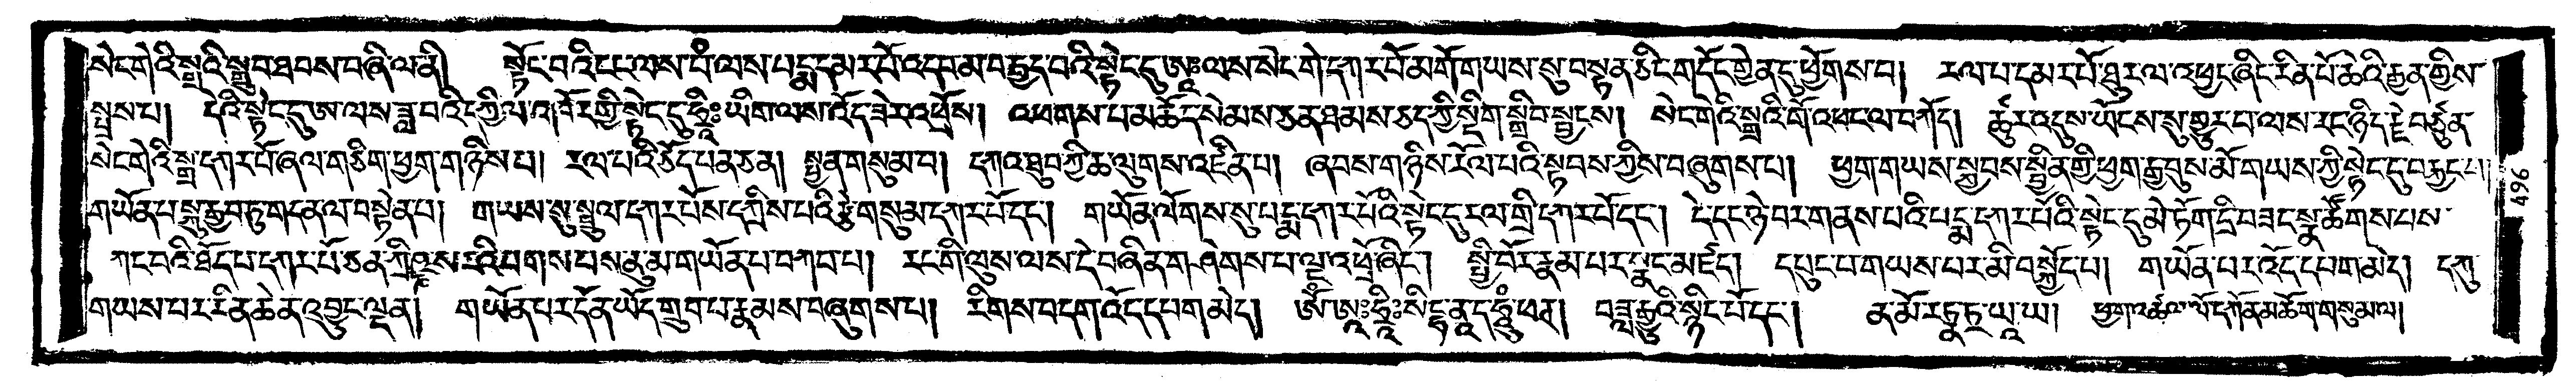སེང་གེའི་སྒྲའི་སྒྲུབ་ཐབས་བཞི་ལ་ནི། སྟོང་བའི་ངང་ལས་པཾ་ལས་པདམ་དམར་པོ་འདབ་མ་བརྒྱད་བའི་སྟེང་དུ་ཨཱཿལས་སེང་གེ་དཀར་པོ་མགོ་གཡས་སུ་བསྟན་ཅིང་གདོང་གྱེན་དུ་ཕྱོགས་བ། རལ་པ་དམར་པོ་ཐུར་ལ་འཕྱང་ཞིང་རིན་པོ་ཆེའི་རྒྱན་གྱིས་
སྤྲས་པ། དེའི་སྟེང་དུ་ཨ་ལས་ཟླ་བའི་དཀྱིལ་འཁོར་གྱི་སྟེང་དུ་ཧྲཱིཿ ཡིག་ལས་འོད་ཟེར་འཕྲོས། འཕགས་པ་མཆོད་སེམས་ཅན་ཐམས་ཅད་ཀྱི་སྡིག་སྒྲིབ་སྦྱངས། སེང་གེའི་སྒྲའི་གོ་འཕང་ལ་བཀོད། ཚུར་འདུས་ཡོངས་སུ་གྱུར་པ་ལས་རང་ཉིད་རྗེ་བཙུན་
སེང་གེའི་སྒྲ་དཀར་པོ་ཞལ་གཅིག་ཕྱག་གཉིས་པ། རལ་པའི་ཅོད་པན་ཅན། སྤྱན་གསུམ་པ། དཀའ་ཐུབ་ཀྱི་ཆ་ལུགས་འཛིན་པ། ཞབས་གཉིས་རོལ་པའི་སྟབས་ཀྱིས་བཞུགས་པ། ཕྱག་གཡས་སྐྱབས་སྦྱིན་གྱི་ཕྱག་རྒྱ་བུས་མོ་གཡས་ཀྱི་སྟེང་དུ་བརྐྱང་པ།
གཡོན་པ་སྐུ་རྒྱབ་ཏུ་གདན་ལ་བསྟེན་པ། གཡས་སུ་སྦྲུལ་དཀར་པོས་དཀྲིས་པའི་རྩེ་གསུམ་དཀར་པོ་དང་། གཡོན་ལོགས་སུ་པདམ་དཀར་པོའི་སྟེང་དུ་རལ་གྲི་དཀར་པོ་དང་། དེ་དང་ཉེ་བར་གནས་པའི་པདམ་དཀར་པོའི་སྟེང་དུ་མེ་ཏོག་དྲི་བཟང་སྣ་ཚོགས་པས་
ཀང་བའི་ཐོད་པ་དཀར་པོ་ཅན་ཀྲིཥྞ་ས་རའི་བགས་པས་ནུ་མ་གཡོན་པ་བཀབ་པ། རང་གི་ལུས་ལས་དེ་བཞིན་གཤེགས་པ་ལྔ་འཕྲོ་ཞིང་། སྤྱི་བོར་རྣམ་པར་སྣང་མཛད། དཔུང་པ་གཡས་པར་མི་བསྐྱོད་པ། གཡོན་པར་འོད་དཔག་མེད། དཀུ་
གཡས་པར་རིན་ཆེན་འབྱུང་ལྡན། གཡོན་པར་དོན་ཡོད་གྲུབ་པ་རྣམས་བཞུགས་པ། རིགས་བདག་འོད་དཔག་མེད། ཨོཾ་ཨཱཿཧྲཱིཿསིདྷ་ནཱ་ད་ཧཱུཾ་ཕཊ། བཟླ་རྒྱུའི་སྙིང་པོ་དང་། ན་མོ་རཏྣ་ཏྲ་ཡཱ་ཡ། ཕྱག་འཚལ་ལོ་དཀོན་མཆོག་གསུམ་ལ།